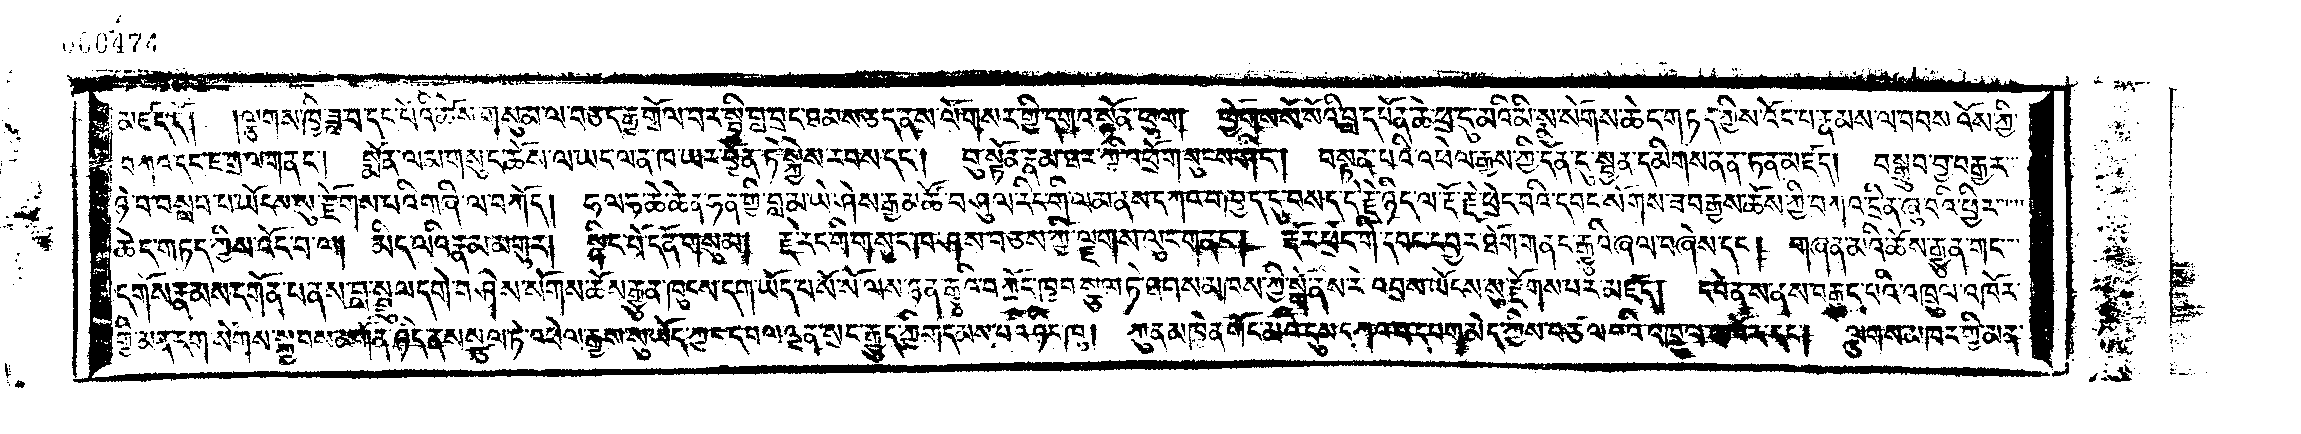མཛད་དོ། །ལྕགས་ཁྱི་ཟླ་བ་དང་པོའི་ཚེས་གསུམ་ལ་བཅད་རྒྱ་གྲོལ་བར་སྤྱི་བླ་བྲང་ཐམས་ཅད་ནས་ལོ་གསར་གྱི་དགའ་སྟོན་ཕུལ། ཕྱོགས་སོ་སོའི་བླ་དཔོན་ཆེ་ཕྲ་དུ་མའི་མི་སྣ་ཚོགས་ཆེད་གཏད་ཀྱིས་འོང་པ་རྣམས་ལ་བབས་འོས་ཀྱི་
བཀའ་དང་ཇ་གྲལ་གནང་། སྨོན་ལམ་གསུང་ཆོས་ལ་ཡང་ལན་ཁ་ཡར་བྱོན་ཏེ་སྐྱེས་རབས་དང་། བུ་སྟོན་རྣམ་ཐར་ཀྱི་འཕྲོ་གསུངས་ཤིང་། བསྟན་པའི་འཕེལ་རྒྱས་ཀྱི་དོན་བུ་སྤྱན་དམིགས་ནན་ཏན་མཛད། བསྒྲུབ་བྱ་བརྒྱར་
ཉེ་བ་བསླབ་པ་ཡོངས་སུ་རྫོགས་པའི་གཞི་ལ་བཀོད། ཧལ་ཧ་ཆེ་ཆེན་ཧན་གྱི་བླ་མ་ཡེ་ཤེས་རྒྱ་མཚོ་བཤུལ་རིང་གི་ལམ་ནས་དཀའ་བ་ཁྱད་དུ་བསད་དེ་རྗེ་ཉིད་ལ་རྡོ་རྗེ་ཕྲེང་བའི་དབང་སོགས་ཟབ་རྒྱས་ཆོས་ཀྱི་བཀའ་དྲིན་ཞུ་པའི་ཕྱིར་
ཆེད་གཏད་ཀྱིས་འོང་པ་ལ། མིད་ལའི་རྣམ་མགུར། སྙིང་པོ་དོན་གསུམ། རྗེ་རང་གི་གསུང་ཁ་ཤས་བཅས་ཀྱི་ལྗགས་ལུང་གནང་། རྡོར་ཕྲེང་གི་དབང་དབྱར་ཐོག་གནང་རྒྱུའི་ཞལ་བཞེས་དང་། གཞན་མའི་ཆོས་རྒྱུན་གང་
དགོས་རྣམས་དགོན་པ་ནས་བླ་སྤྲུལ་དགེ་བཤེས་སོགས་ཆོས་རྒྱུན་ཁུངས་དག་ཡོད་པ་སོ་སོ་ལས་ཉན་རྒྱུའི་བཀོད་ཁྱབ་སྩལ་ཏེ་ཐབས་མཁས་ཀྱི་སྒོ་ནས་རེ་འབྲས་ཡོངས་སུ་རྫོགས་པར་མཛད། དབེན་ས་ནས་བརྒྱུད་པའི་འཁྲུལ་འཁོར་
གྱི་མན་ངག་སོགས་སྐྱབས་མགོན་ཉིད་ནས་སྩལ་ཏེ་འཕེལ་རྒྱས་སུ་ཡོད་ཀྱང་དཔལ་ལྡན་སྲད་རྒྱུད་ཀྱི་གདམས་པའི་ཉིང་ཁུ། ཀུན་མཁྱེན་གོང་མའི་དུས་དཀའ་བ་དཔག་མེད་ཀྱིས་བཙལ་བའི་འཁྲུལ་འཁོར་དང་། ལྕགས་མཁར་གྱི་མན་